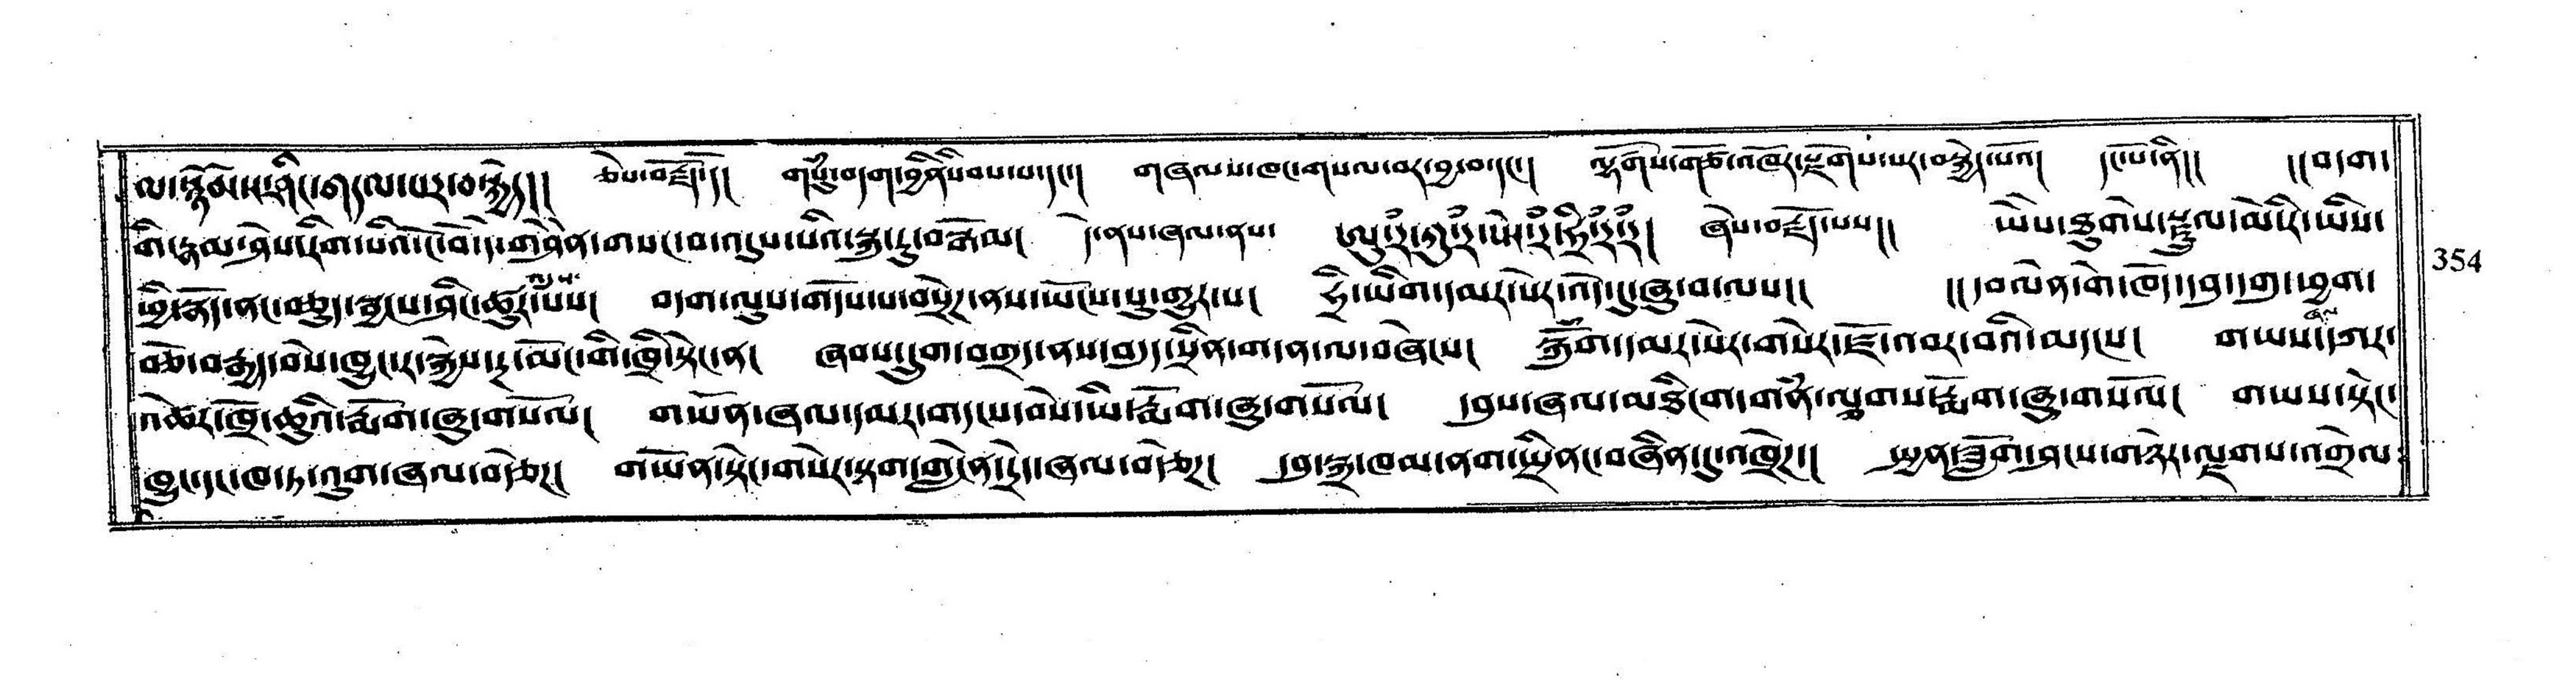ལ་སྙོམས་ཤིང་གདལ་པར་བསྐྱེད།། ཅེས་བརྗོད་དོ། གསུམ་བདག་བྱིན་གྱིས་རླབས་པ་དང་། གཞལ་ཡས་ཁང་གསལ་བར་བྱ་བ་དང་། ལྷ་ཚོགས་གཙོ་འཁོར་རྫོགས་པར་བཀྱེད་པའོ། དང་པོ་ནི། བདག་
གི་རྣམ་ཤེས་རིག་པའི་ངོ་བོ་དེ་གཤེན་ཆེན་གསང་བ་འདུས་པའི་སྐུ་རུ་བསྒོམ། དེ་ནས་ཞལ་ནས། ཨུ་རཾ་ཀུ་རཾ་སྤེ་རཾ་ཧྲི་རཾ་རཾ། ཞེས་བརྗོད་པས། ཡེ་ཤེས་ཐུགས་རྗེ་རྫུ་འཕྲུལ་མེ་རི་ཡིས། 
ཕྱི་སྣོད་ནང་བཅུད་སྦྱངས་ཤིང་ཚུར་འདུས་པས། བདག་ལུས་གདོས་པ་བསྲེགས་ནས་ཡོངས་སུ་གྱུར་པ། ཧྲི་ཡིག་དམར་སེར་འོད་དུ་ཞུ་བ་ལས།། །།དབལ་ཆེན་གེ་ཁོད་དབུ་དགུ་ཕྱག་
བཅོ་བརྒྱད་བསེ་ཁྱུང་ར་སྐྱེས་རྔ་མོང་གི་ཁྲི་སྟེང་ན། ཞབས་དྲུག་བགྲད་ནས་བདུད་སྲིན་{365}གདན་ལ་བཞེངས། སྐུ་མདོག་དམར་སེར་གསེར་ཛོ་འབར་བའི་མདངས། གཡས་ཞལ་དཀར་
འཚེར་ཁྲོ་ཆུའི་རྨོག་ཞུ་གསོལ། གཡོན་ཞལ་དམར་གདངས་བསེ་ཡི་རྨོག་ཞུ་གསོལ། དབུས་ཞལ་མཐིང་ནག་གནམ་ལྕགས་རྨོག་ཞུ་གསོལ། གཡས་སྟེང་
ཁྱུང་དང་ཁ་ཏ་འུག་ཞལ་བརྩེགས། གཡོན་སྟེང་གསེར་སྟག་གླང་ཆེན་དྲེད་ཞལ་བརྩེགས། དབུ་སྐྲ་ཁམ་ནག་སྤྲིན་དཔུང་བཞིན་དུ་འཁྲིགས། སྤྱན་ཟློག་ཤངས་གཉེར་ལྗགས་འདྲིལ་